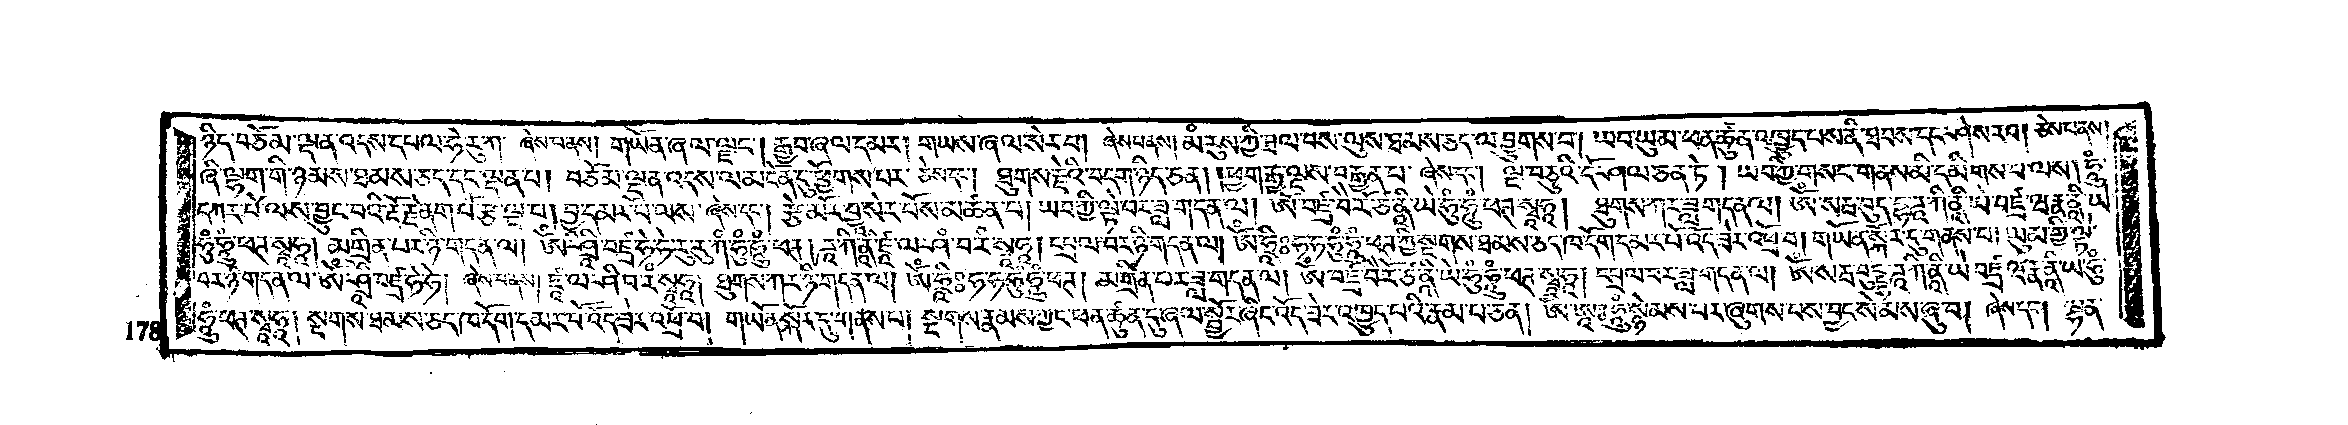ཉིད་བཅོམ་ལྡན་འདས་དཔལ་ཧེ་རུ་ཀ་ཞེས་པ་ནས།  གཡོན་ཞལ་ལྗང་། རྒྱབ་ཞལ་དམར། གཡས་ཞལ་སེར་བ། ཞེས་པ་ནས།  མི་རུས་ཀྱི་ཐལ་པས་ལུས་ཐམས་ཅད་ལ་བྱུགས་པ། ཡབ་ཡུམ་ཕན་ཚུན་འཁྱུད་པས་ནི་ཐབས་དང་ཤེས་རབ། ཅེས་པ་ནས།
ཞི་ལྷག་གི་ཉམས་ཐམས་ཅད་དང་ལྡན་པ། བཅོམ་ལྡན་འདས་ལ་མངོན་དུ་ཕྱོགས་པར་ཅེས་དང་།  ཐུགས་རྗེའི་བདག་ཉིད་ཅན། །ཕྱག་རྒྱ་ལྔས་བརྒྱན་པ་ཞེས་དང་།  ལྔ་བཅུའི་དོ་ཤལ་ཅན་ཏེ། ཡབ་ཀྱི་གསང་གནས་མི་དམིགས་པ་ལས། ཧཱུཾ་
དཀར་པོ་ལས་བྱུང་བའི་རྡོ་རྗེ་ནག་པོ་རྩེ་ལྔ་པ། བྱ་དམར་པོ་ལས་ཞེས་དང་།  རྩེ་མོར་བྱ་སེར་པོས་མཚན་པ། ཡབ་ཀྱི་ལྟེ་བར་ཟླ་གདན་ལ། ཨོཾ་བཛྲ་བཻ་རོ་ཙ་ནཱི་ཡེ་ཧཱུཾ་ཧཱུཾ་ཕཊ་ཕཊ་སྭཱཧཱ། ཐུགས་ཀར་ཟླ་གདན་ལ། ཨོཾ་སརྦ་བུད་དྷ་ཌཱ་ཀི་ནཱི་ཡེ་བཛྲ་ཝ་རྣ་ནཱི་ཡེ་
ཧཱུཾ་ཧཱུཾ་ཕཊ་སྭཱཧཱ། མགྲིན་པར་ཉི་གདན་ལ། ཨོཾ་ཤྲཱི་བཛྲ་ཧེ་ཧེ་རུ་རུ་ཀཾ་ཧཱུཾ་ཧཱུཾ་ཕཊ། ཌཱ་ཀི་ནཱི་ཛཱ་ལ་ཤཾ་བ་རཾ་སྭཱཧཱ། དཔྲལ་བར་ཉི་གདན་ལ། ཨོཾ་ཧྲཱིཿ ཧ་ཧ་ཧཱུཾ་ཧཱུཾ་ཕཊ་ཀྱི་སྔགས་ཐམས་ཅད་ཁ་དོག་དམར་པོ་འོད་ཟེར་འཕྲོ་བ། གཡོན་སྐོར་དུ་གནས་པ། ཡུམ་གྱི་ལྟེ་
བར་ཉི་གདན་ལ་ཨོཾ་ཤྲཱི་བཛྲ་ཧེ་ཧེ། ཞེས་པ་ནས།  ཛཱ་ལ་ཤཾ་བ་རཾ་སྭཱཧཱ། ཐུགས་ཀར་ཉི་གདན་ལ། ཨོཾ་ཧྲཱིཿ ཧ་ཧ་ཧཱུཾ་ཧཱུཾ་ཕཊ། མགྲིན་པར་ཟླ་གདན་ལ། ཨོཾ་བཛྲ་བཻ་རོ་ཙ་ནཱི་ཡེ་ཧཱུཾ་ཧཱུཾ་ཕཊ་སྭཱཧཱ། དཔྲལ་བར་ཟླ་གདན་ལ། ཨོཾ་སརྦ་བུདྡྷ་ཌཱ་ཀི་ནཱི་ཡེ་བཛྲ་ཝ་རྣ་ནཱི་ཡེ་ཧཱུཾ་
ཧཱུཾ་ཕཊ་སྭཱཧཱ། སྔགས་ཐམས་ཅད་ཁ་དོག་དམར་པོ་འོད་ཟེར་འཕྲོ་བ། གཡོན་སྐོར་དུ་གནས་པ། སྔགས་རྣམས་ཀྱང་ཕན་ཚུན་དུ་ཞལ་སྦྱོར་ཞིང་འོད་ཟེར་འཁྱུད་པའི་རྣམ་པ་ཅན། ཨོཾ་ཨཱཿ ཧཱུཾ་སྙོམས་པར་ཞུགས་པས་བྱང་སེམས་ཞུ་བ། ཞེས་དང་།  ལྷན་